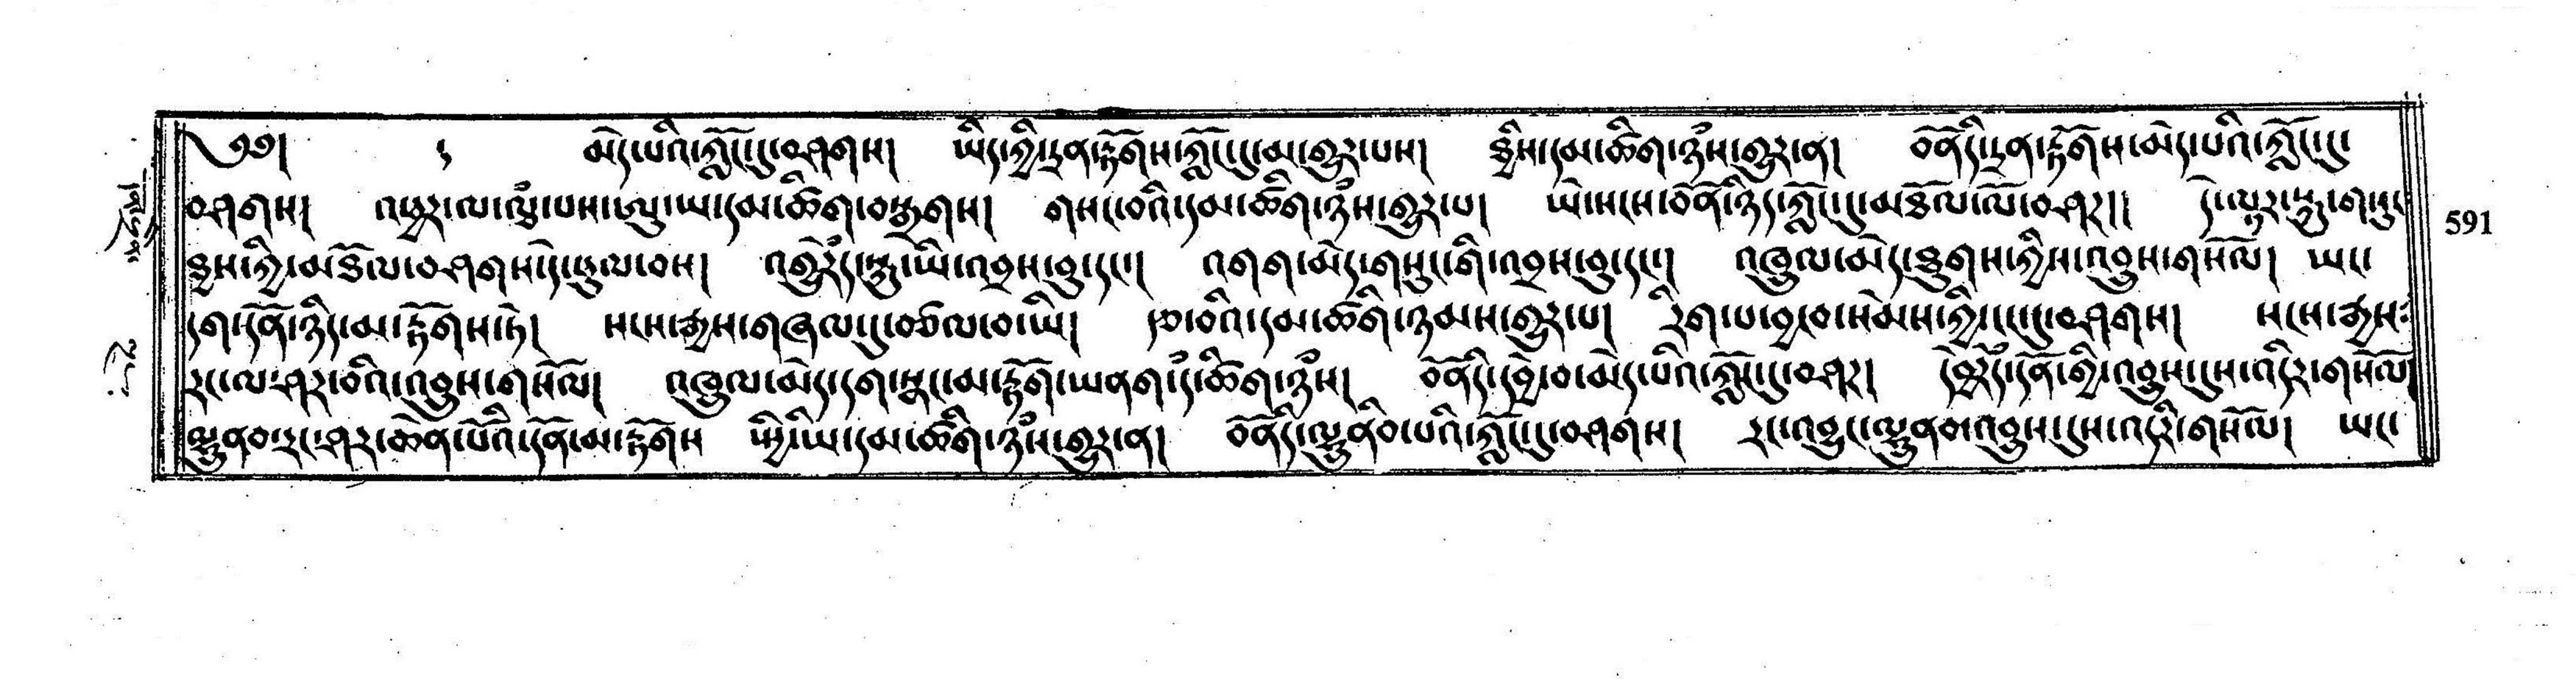མེད་པའི་ཀློང་དུ་བཤགས། ཡིད་ཀྱི་དྲན་རྟོགས་ཀློང་དུ་མ་གྱུར་པས། ཐུགས་ཀྱི་དམ་ཚིག་ཉམས་གྱུར་ན། བོན་ཉིད་དྲན་རྟོགས་མེད་པའི་ཀློང་དུ་
བཤགས། འཕྱར་ལ་ལྕམ་པས་ཨུ་ཡ་དམ་ཚིག་བསྒྲགས། གསང་བའི་དམ་ཚིག་ཉམས་གྱུར་པ། ཡེ་སངས་བོན་ཉིད་ཀློང་དུ་མཐོལ་ལོ་བཤགས།། དེ་ལྟར་སྐུ་གསུང་
ཐུགས་ཀྱི་མཐོལ་བཤགས་དེ་ཕུལ་བས། འགྱུར་མེད་སྐུ་ཡི་འབྲས་བུ་དང་། འགག་མེད་གསུང་གི་འབྲས་བུ་དང་། འཁྲུལ་མེད་ཐུགས་ཀྱིས་འབྲས་བུ་གསོལ། ཡང་
དག་དོན་ཉིད་མ་རྟོགས་ཏེ། སངས་རྒྱས་གཞལ་དུ་བཙལ་བ་ཡི། རྩ་བའི་དམ་ཚིག་ཉམས་གྱུར་པ། རིག་པ་བྱང་ཆུབ་སེམས་ཀྱི་ངང་དུ་བཤགས། སངས་རྒྱས་
རང་ལ་ཤར་བའི་འབྲས་བུ་གསོལ། འཁྲུལ་མེད་དག་སྣང་མ་རྟོག་ཡན་ལག་དམ་ཚིག་ཉམས། བོན་ཉིད་དབྱེ་བ་མེད་པའི་ཀློང་དུ་བཤགས། དབྱེར་མེད་དོན་གྱི་འབྲས་བུ་དུས་འདིར་གསོལ། 
ལྷུན་གྲུབ་རང་ཤར་ཆེན་པོའི་དོན་མ་རྟོགས། སྤྱི་ཡི་དམ་ཚིག་ཉམས་གྱུར་ན། བོན་ཉིད་ལྷུན་གྱི་གྲུབ་པའི་ཀློང་དུ་བཤགས། རང་འབྱུང་ལྷུན་གྲུབ་འབྲས་བུ་དུས་འདིར་གསོལ། ཡང་